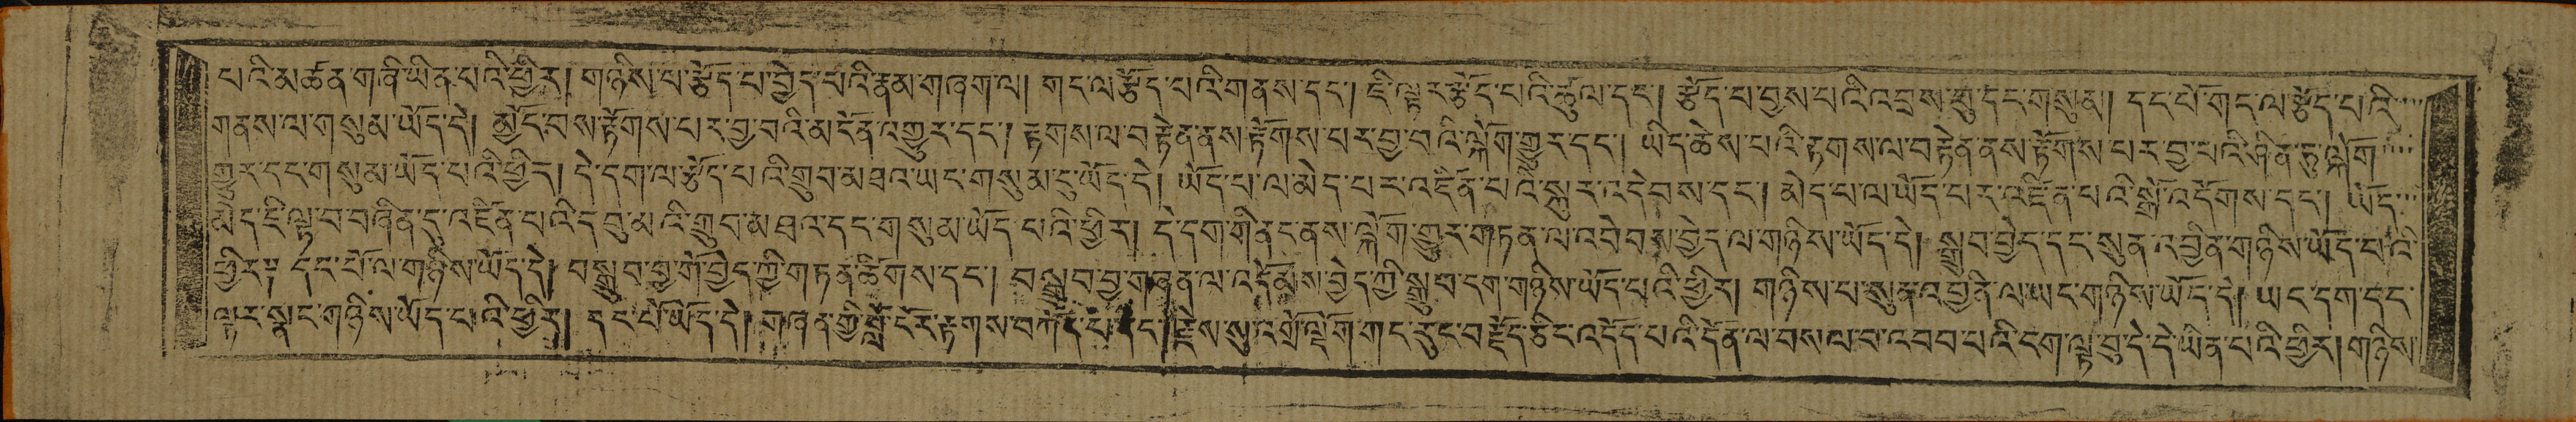པའི་མཚན་གཞི་ཡིན་པའི་ཕྱིར། གཉིས་པ་རྩོད་པ་བྱེད་པའི་རྣམ་གཞག་ལ། གང་ལ་རྩོད་པའི་གནས་དང་། ཇི་ལྟར་རྩོད་པའི་ཚུལ་དང་། རྩོད་པ་བྱས་པའི་འབྲས་བུ་དང་གསུམ། དང་པོ་གང་ལ་རྩོད་པའི་
གནས་ལ་གསུམ་ཡོད་དེ། མྱོང་བས་རྟོགས་པར་བྱ་པའི་མངོན་འགྱུར་དང་། རྟགས་ལ་བརྟེན་ནས་རྟོགས་པར་བྱ་བའི་ལྐོག་གྱུར་དང་། ཡིད་ཆེས་པའི་རྟགས་ལ་བརྟེན་ནས་རྟོགས་པར་བྱ་པའི་ཤིན་ཏུ་ལྐོག་
གྱུར་དང་གསུམ་ཡོད་པའི་ཕྱིར། དེ་དག་ལ་རྩོད་པའི་གྲུབ་མཐའ་ཡང་གསུམ་དུ་ཡོད་དེ། ཡོད་པ་ལ་མེད་པར་འཛིན་པའི་སྐུར་འདེབས་དང་། མེད་པ་ལ་ཡོད་པར་འཛིན་པའི་སྒྲོ་འདོགས་དང་། ཡོད་
མེད་ཇི་ལྟ་བ་བཞིན་དུ་འཛིན་པའི་དབུ་མའི་གྲུབ་མཐའ་དང་གསུམ་ཡོད་པའི་ཕྱིར། དེ་དག་གི་ནང་ནས་ལྐོག་གྱུར་གཏན་ལ་འབེབས་བྱེད་ལ་གཉིས་ཡོད་དེ། སྒྲུབ་བྱེད་དང་སུན་འབྱིན་གཉིས་ཡོད་པའི་
ཕྱིར༑ དང་པོ་ལ་གཉིས་ཡོད་དེ། བསྒྲུབ་བྱ་གོ་བྱེད་ཀྱི་གཏན་ཚིགས་དང་། བསྒྲུབ་བྱ་གཞན་ལ་འདོམས་བྱེད་ཀྱི་སྒྲུབ་ངག་གཉིས་ཡོད་པའི་ཕྱིར། གཉིས་པ་སུན་འབྱིན་ལ་ཡང་གཉིས་ཡོད་དེ། ཡང་དག་དང་
ལྟར་སྣང་གཉིས་ཡོད་པའི་ཕྱིར། དང་པོ་ཡོད་དེ། གཞན་གྱི་བློ་ངོར་རྟགས་བཀོད་པ་དང་། རྗེས་སུ་འགྲོ་ལྡོག་གང་རུང་བརྗོད་ཅིང་འདོད་པའི་དོན་ལ་བསལ་པ་འབབ་པའི་ངག་ལྟ་བུ་དེ་དེ་ཡིན་པའི་ཕྱིར། གཉིས་